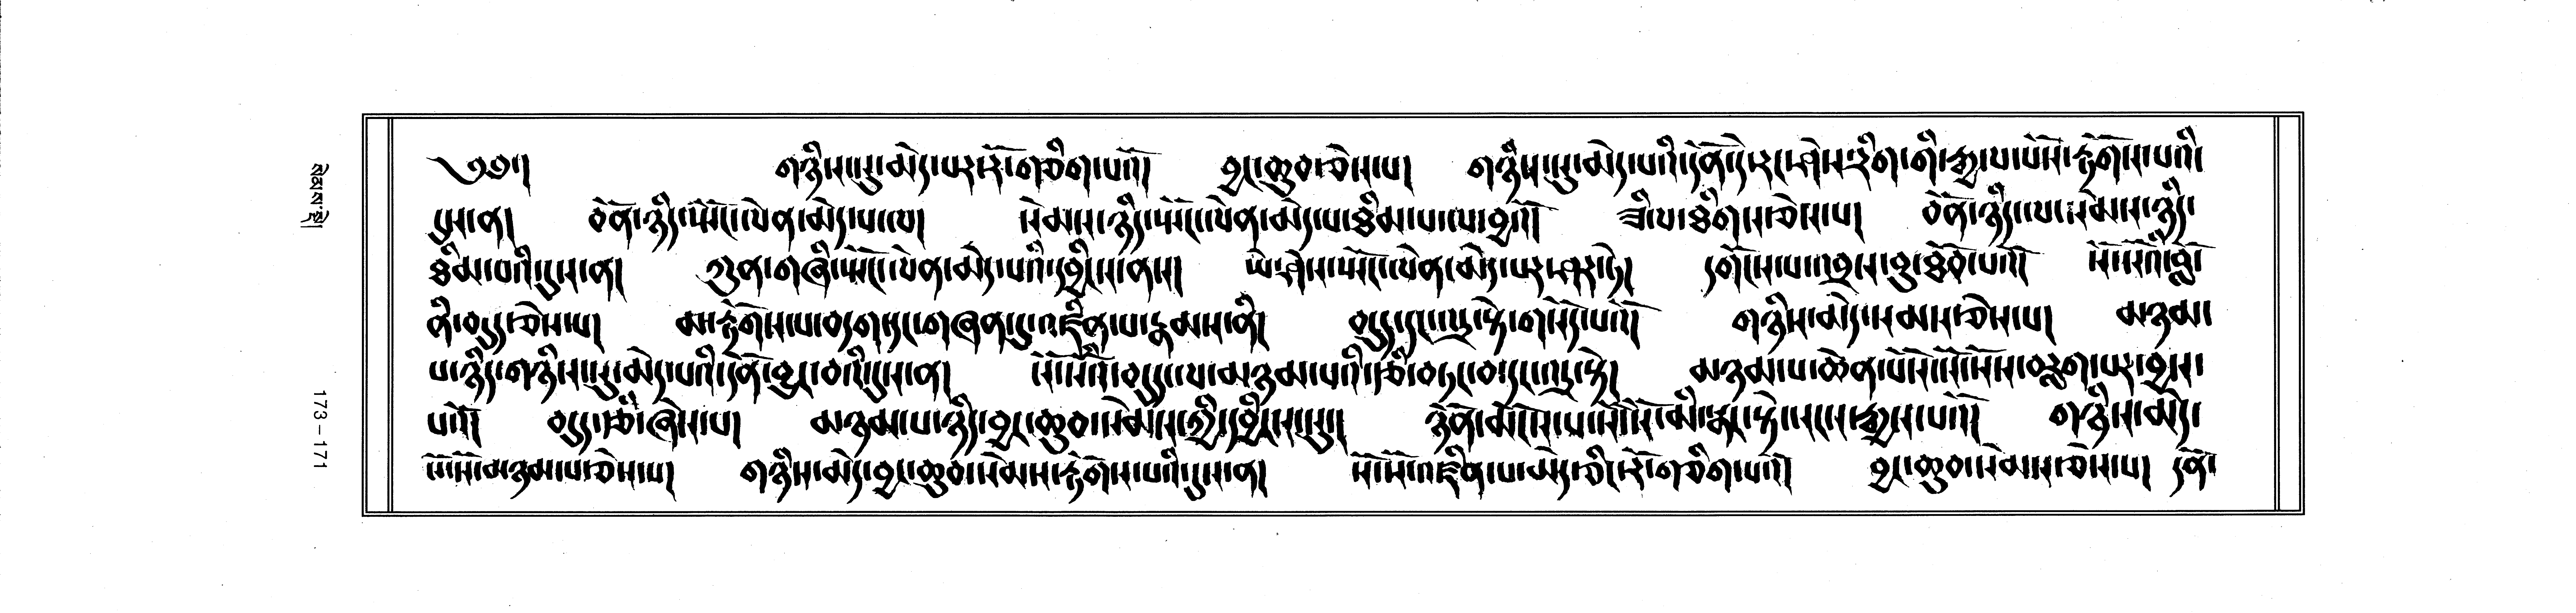གཉིས་སུ་མེད་པར་རོ་གཅིག་པའོ། །བྱང་ཆུབ་ཅེས་པ། གཉིས་སུ་མེད་པའི་དོན་དེ་རང་ཤེས་རིག་གི་རྒྱལ་པོས་རྟོགས་པའི་
དུས་ན་བོན་ཉིད་སྤོང་ལེན་མེད་པ་ལ་སེམས་ཉིད་སྤོང་ལེན་མེད་པ་ལ་ཐིམ་པ་ལ་བྱའོ། །ཟིལ་ཐིགས་ཅེས་པ། བོན་ཉིད་ལ་སེམས་ཉིད་
ཐིམ་པའི་དུས་ན། ཀུན་གཞི་སྤོང་ལེན་མེད་པའི་དབྱིངས་ནས། ཡེ་ཤེས་སྤོང་ལེན་མེད་པ་ཤར་ཏེ། དགོངས་པ་དང་འབྲས་བུ་ཐོབ་པའོ། །སོ་སོའི་བློ་
ནི་བདུད་ཅེས་པ། མ་རྟོགས་པ་བདག་དང་གཞན་དུ་འཛིན་པ་རྣམས་ནི། བདུད་དང་འདྲ་སྟེ་གསོད་པའོ། གཉིས་མེད་སེམས་ཅེས་པ། མཉམ་
པ་ཉིད་གཉིས་སུ་མེད་པའི་དོན་བྱུང་བའི་དུས་ན། སོ་སོའི་བདུད་ལ་མཉམ་པའི་རྩི་བཏང་བ་དང་འདྲ་སྟེ། མཉམ་པ་ཆེན་པོས་སོ་སོས་བརླག་པར་བྱས་
པའོ། བདུད་རྩི་ཞེས་པ། མཉམ་པ་ཉིད་བྱང་ཆུབ་སེམས་ཀྱི་དབྱིངས་སུ། ཉོན་མོངས་པ་སོ་སོ་མི་སྣང་སྟེ་སངས་རྒྱས་པའོ། །གཉིས་མེད་
སོ་སོ་མཉམ་པ་ཅེས་པ། གཉིས་མེད་བྱང་ཆུབ་ཀྱི་སེམས་རྟོགས་པའི་དུས་ན། སོ་སོ་འཛིན་པ་མེད་ཅིང་རོ་གཅིག་པའོ། །བྱང་ཆུབ་སེམས་ཅེས་པ། དོན་